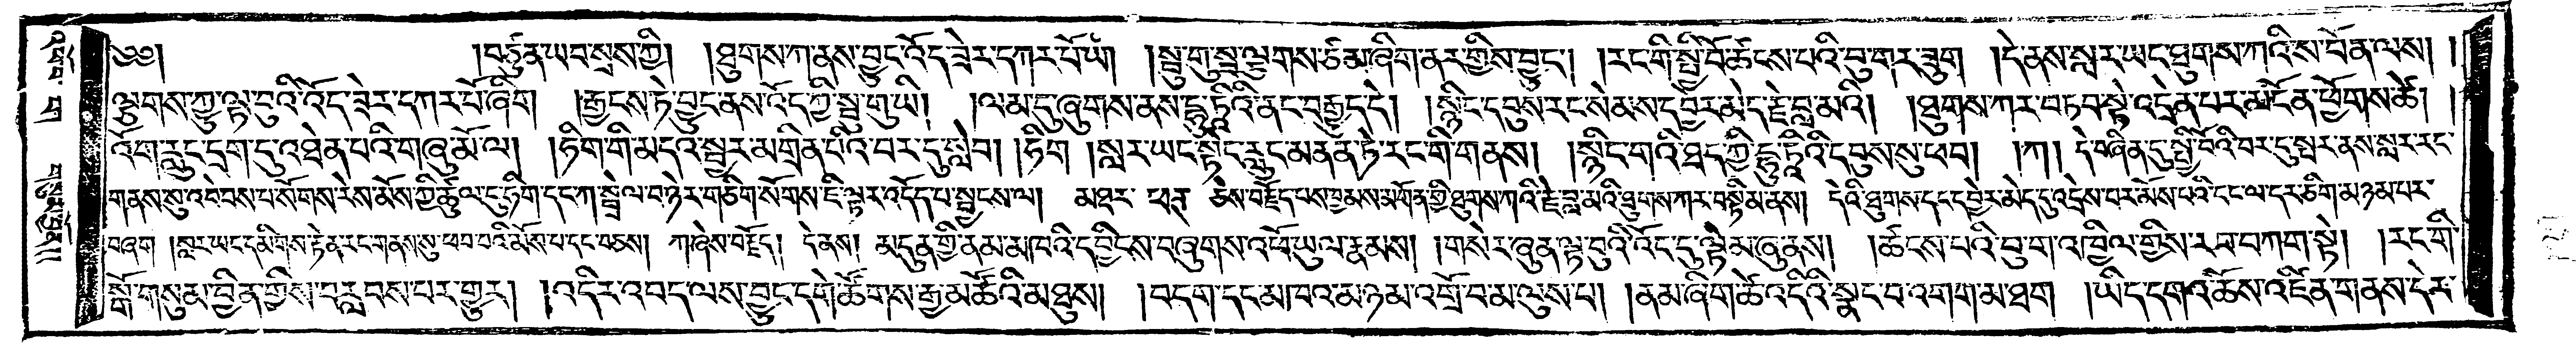༄༅། །བཙུན་ཡབ་སྲས་ཀྱི། །ཐུགས་ཀ་ནས་བྱུང་འོད་ཟེར་དཀར་པོ་ཡི། །སྦུ་གུ་སྦྲ་ལྕགས་ཙམ་ཞིག་ནར་གྱིས་བྱུང་། །རང་གི་སྦྱི་བོ་ཚངས་པའི་བུ་གར་ཟུག །དེ་ནས་སླར་ཡང་ཐུགས་ཀའི་ས་བོན་ལས། །
ལྕགས་ཀྱུ་ལྟ་བུའི་འོད་ཟེར་དཀར་པོ་ཞིག །རྒྱངས་ཏེ་བྱུང་ནས་འོད་ཀྱི་སྦུ་གུ་ཡི། །ལམ་དུ་ཞུགས་ནས་དྷཱུ་ཏཱིའི་ནང་བརྒྱུད་དེ། །སྙིང་དབུས་རང་སེམས་དབྱེར་མེད་རྗེ་བླ་མའི། །ཐུགས་ཀར་བཏབ་སྟེ་འདྲེན་པར་མངོན་ཕྱོགས་ཚེ། །
འོག་རླུང་དྲག་དུ་འཐེན་པའི་གཞུ་མོ་ལ། །ཧིག་གི་མདའ་སྦྱར་མགྲིན་པའི་བར་དུ་སླེབ། །ཧིག །སླར་ཡང་སྟེང་རླུང་མནན་ཏེ་རང་གི་གནས། །སྙིང་གའི་ཐད་ཀྱི་དྷུ་ཏཱིའི་དབུས་སུ་ཕབ། །ཀ། དེ་བཞིན་དུ་སྦྱི་བོའི་བར་དུ་སྤར་ནས་སླར་རང་
གནས་སུ་འབེབས་པ་སོགས་རེས་མོས་ཀྱི་ཚུལ་དུ་ཧིག་དང་ཀ་སྒྲེལ་བ་ཉེར་གཅིག་སོགས་ཇི་ལྟར་འདོད་པ་སྦྱངས་ལ། མཐར་ཕཊ་ཅེས་བརྗོད་པས་བྱམས་མགོན་གྱི་ཐུགས་ཀའི་རྗེ་བླ་མའི་ཐུགས་ཀར་བསྟིམ་ནས། དེའི་ཐུགས་དང་དབྱེར་མེད་དུ་འདྲེས་པར་མོས་པའི་རང་ལ་དར་ཅིག་མཉམ་པར་
བཞག །སླར་ཡང་དམིགས་རྟེན་རང་གནས་སུ་ཕབ་བའི་མོས་པ་དང་བཅས། གཞེས་བརྗོད། དེ་ནས། མདུན་གྱི་ནམ་མཁའི་དབྱིངས་བཞུགས་འཕོ་ཡུལ་རྣམས། །གསེར་ཞུན་ལྟ་བུའི་འོང་དུ་ལྟེམ་ཞུ་ནས། །ཚངས་པའི་བུ་ག་འཁྱིལ་གྱིས་རབ་བཀག་སྟེ། །རང་གི་
སྒོ་གསུམ་བྱིན་གྱིས་བརླབས་པར་གྱུར། །འདིར་འབད་ལས་བྱུང་དགེ་ཚོགས་རྒྱ་མཚོའི་མཐུས། །བདག་དང་མཁའ་མཉམ་འགྲོ་བ་མ་ལུས་པ། །ནམ་ཞིག་ཚེ་འདིའི་སྣང་བ་འགག་མ་ཐག །ཡིད་དགའ་ཆོས་འཛིན་གནས་དེར་